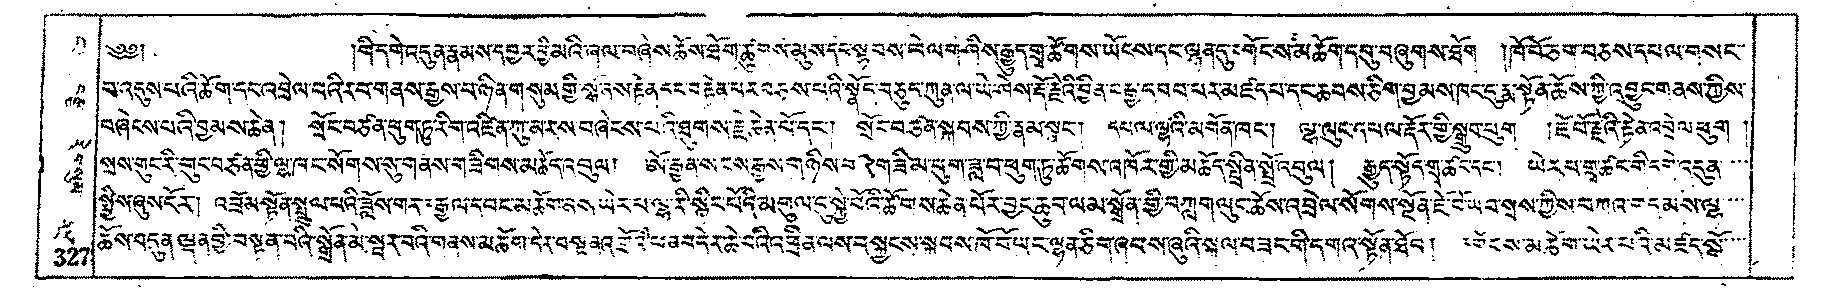༄༅། །གི་དགེ་འདུན་རྣམས་དབྱར་ཕྱི་མའི་ཞལ་བཞེས་ཆོས་ཐོག་ཚུགས་མུས་དང་སྟབས་ཁེལ་གཤིས་རྒྱུད་གྲྭ་ཚོགས་ཡོངས་དང་ལྷན་དུ ༧གོང་ས་མཆོག་དབུ་བཞུགས་ཐོག །ཁོ་བོ་ཅག་བཅས་དཔལ་གསང་
བ་འདུས་པའི་ཆོ་ག་དང་འབྲེལ་བའི་རབ་གནས་རྒྱས་པ་ཉིན་གསུམ་གྱི་སྒོ་ནས་རྟེན་དང་བརྟེན་པར་བཅས་པའི་སྣོད་བཅུད་ཀུན་ལ་ཡེ་ཤེས་རྡོ་རྗེའི་བྱིན་བརྒྱ་དབབ་པར་མཛད་པ་དང་ཆབས་ཅིག་བྱམས་ཁང་དུ་རྨ་སྟོན་ཆོས་ཀྱི་འབྱུང་གནས་ཀྱིས་
བཞེངས་པའི་བྱམས་ཆེན། སྲོང་བཙན་ཕུག་ཏུ་རིག་འཛིན་ཀུ་མ་རས་བཞེངས་པའི་ཐུགས་རྗེ་ཆེན་པོ་དང་། སྲོང་བཙན་སྐབས་ཀྱི་རྣམ་སྣང་། དཔལ་ལྷའི་མགོན་ཁང་། ལྷ་ལུང་དཔལ་རྡོར་གྱི་སྒྲུབ་ཕུག །ཇོ་བོ་རྗེའི་རྟེན་འབྲེལ་ཕུག །
སྲས་གུང་རི་གུང་བཙན་གྱི་ལྷ་ཁང་སོགས་སུ་གནས་གཟིགས་མཆོད་འབུལ། ཨོ་རྒྱན་སངས་རྒྱས་གཉིས་པའི་གཟིམ་ཕུག་ཟླ་བ་ཕུག་ཏུ་ཚོགས་འཁོར་གྱི་མཆོད་སྤྲིན་སྤྲོ་འབུལ། རྒྱུད་སྟོད་གྲྭ་ཚང་དང་། ཡེར་པ་གྲྭ་ཚང་གི་དགེ་འདུན་
སྤྱིས་ཞུས་ངོར། འབྲོམ་སྟོན་སྤྲུལ་པའི་ཟློས་གར ༧རྒྱལ་དབང་མཆོག་ནས་ཡེར་པ་ལྷ་རི་སྙིང་པོའི་མགུལ་དུ་སྐྱེ་བོའི་ཚོགས་ཆེན་པོར་བྱང་ཆུབ་ལམ་སྒྲོན་གྱི་བཀླག་ལུང་ཆོས་འབྲེལ་སོགས་སྔོན་ཇོ་བོ་ཡབ་སྲས་ཀྱིས་བཀའ་གདམས་ལྷ་
ཆོས་བདུན་ལྡན་གྱི་བསྟན་པའི་སྒྲོན་མེ་སྦར་བའི་གནས་མཆོག་དེར་བསྟན་འགྲོའི་ཕན་བདེར་ཆེ་བའི་འཕྲིན་ལས་བསྐྱངས་སྐབས་ཁོ་བོ་ཡང་ལྷན་ཅིག་ཞབས་ཞུའི་སྐལ་བཟང་གི་དགའ་སྟོན་ཐོབ། ༧གོང་ས་མཆོག་ཡེར་པའི་མཛད་སྒོ་